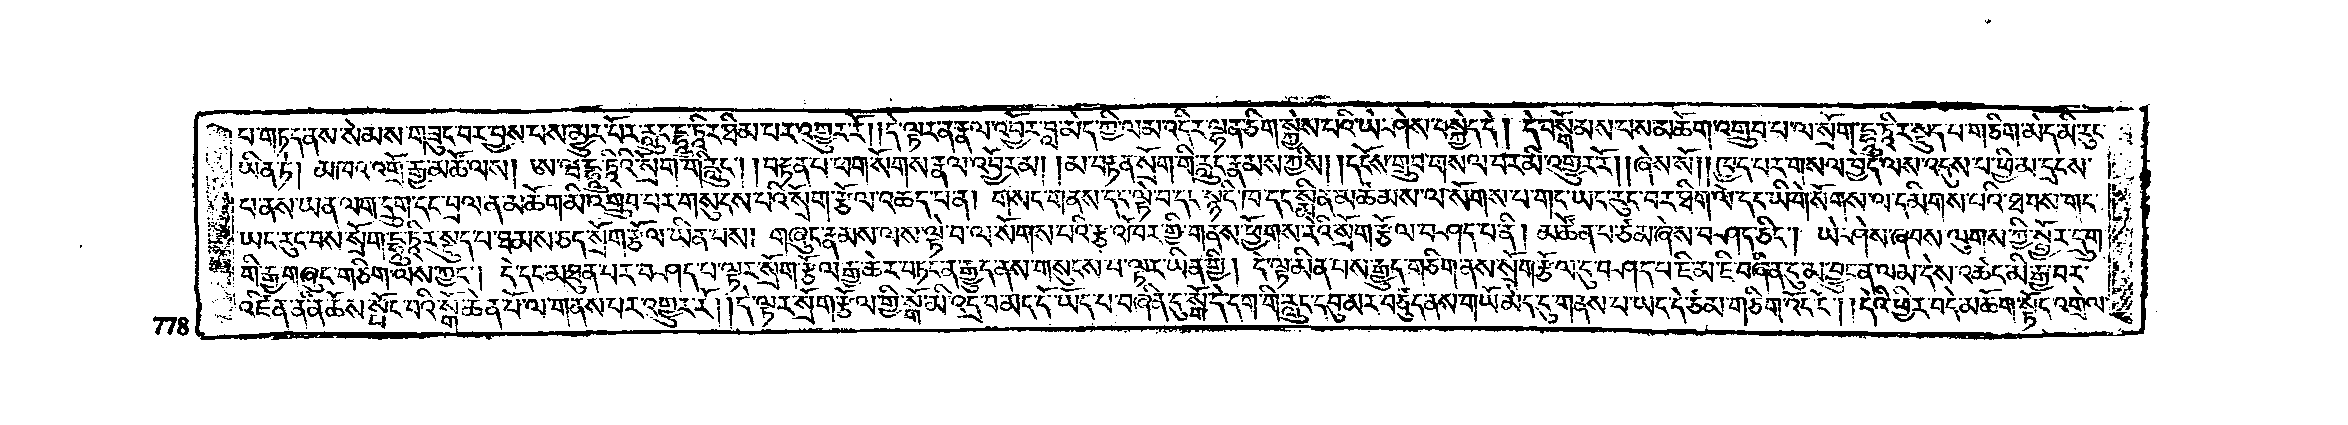པ་གཏད་ནས་སེམས་གཟུང་བར་བྱས་པས་མྱུར་པོར་རླུང་དྷཱུ་ཏཱིར་ཐིམ་པར་འགྱུར་རོ། །དེ་ལྟར་ན་རྣལ་འབྱོར་བླ་མེད་ཀྱི་ལམ་འདིར་ལྷན་ཅིག་སྐྱེས་པའི་ཡེ་ཤེས་བསྐྱེད་དེ། དེ་བསྒོམས་པས་མཆོག་འགྲུབ་པ་ལ་སྲོག་དྷཱུ་ཏཱིར་སྡུད་པ་གཅིག་མེད་མི་རུང་
ཡིན་ཏེ། མཁའ་འགྲོ་རྒྱ་མཚོ་ལས། ཨ་ཝ་དྷཱུ་ཏཱིའི་སྲོག་གི་རླུང་། །བརྟན་པ་ཕག་སོགས་རྣལ་འབྱོར་མ། །མ་བརྟན་སྲོག་གི་རླུང་རྣམས་ཀྱིས། །དངོས་གྲུབ་གསལ་བར་མི་འགྱུར་རོ། །ཞེས་སོ། །ཁྱད་པར་གསལ་བྱེད་ལས་འདུས་པ་ཕྱི་མ་དྲངས་
པ་ནས་ཡན་ལག་དྲུག་དང་བྲལ་ན་མཆོག་མི་འགྲུབ་པར་གསུངས་པའི་སྲོག་རྩོལ་འཆད་པ་ན། གསང་གནས་དང་ལྟེ་བ་དང་སྙིང་ཁ་དང་སྨིན་མཚམས་ལ་སོགས་པ་གང་ཡང་རུང་བར་ཐིག་ལེ་དང་ཡི་གེ་སོགས་ལ་དམིགས་པའི་ཐབས་གང་
ཡང་རུང་བས་སྲོག་དྷཱུ་ཏཱིར་སྡུད་པ་ཐམས་ཅད་སྲོག་རྩེཨོལ་ཡི་པས། གཞུང་རྣམས་ལས་ལྟེ་བ་ལ་སོགས་པའི་རྩ་འཁོར་གྱི་གནས་ཕྱོགས་རེའི་སྲོག་རྩོལ་བཤད་པ་ནི། མཚོན་པ་ཙམ་ཞེས་བཤད་ཅིང་། ཡེ་ཤེས་ཞབས་ལུགས་ཀྱི་སྦྱོར་དྲུག་
གི་རྒྱ་གཞུང་གཅིག་ལས་ཀྱང་། དེ་དང་མཐུན་པར་བཤད་པ་ལྟར་སྲོག་རྩོལ་རྒྱ་ཆེར་བཏང་ན་རྒྱུད་ནས་གསུངས་པ་ལྟར་ཡིན་གྱི། དེ་ལྟ་མིན་པས་རྒྱུད་གཅིག་ནས་སྲོག་རྩོལ་དུ་བཤད་པ་ཇི་མ་ཇི་བཞིན་དུ་མ་བྱུང་ན་ལམ་དེས་འཚང་མི་རྒྱ་བར་
འཛིན་ན་ནི་ཆོས་སྤོང་བའི་སྒོ་ཆེན་པོ་ལ་གནས་པར་འགྱུར་རོ། །དེ་ལྟར་སྲོག་རྩོལ་གྱི་སྒོ་མི་འདྲ་བ་མང་པོ་ཡོད་པ་བཞིན་དུ་སྒོ་དེ་དག་གི་རླུང་དབུ་མར་བཙུད་ནས་གཡོ་མེད་དུ་གནས་པ་ཡང་དེ་ཙམ་གཅིག་འོང་ངོ། །དེའི་ཕྱིར་བདེ་མཆོག་སྟོད་འགྲེལ་